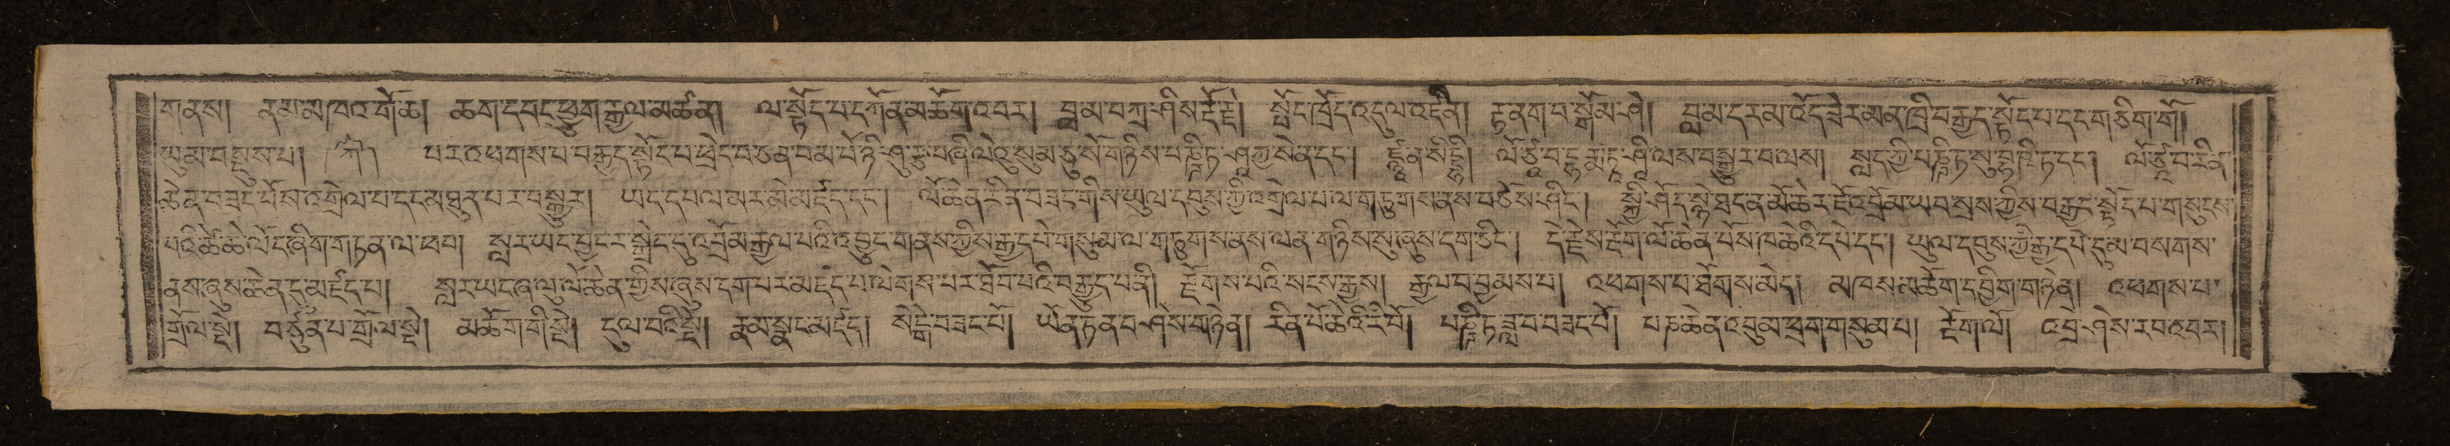གནས། ནམ་མཁའ་གོ་ཆ། ཆག་དབང་ཕྱུག་རྒྱལ་མཚན། ལ་སྟོད་པ་དཀོན་མཆོག་འབར། བླ་མ་བཀྲ་ཤིས་རྡོ་རྗེ། སྤོང་ཁྲོད་འདུལ་འཛིན། རྟ་ནག་བ་སྒོམ་ཤེ། བླ་མ་དར་མ་འོད་ཟེར་མན་ཁྲི་བརྒྱད་སྟོང་བ་དང་གཅིག་གོ།
ཡུམ་བསྡུས་པ། {ཀ}་པར་འཕགས་པ་བརྒྱད་སྟོང་པ་ཕྲེད་བཅན་བམ་པོ་ཉི་ཤུ་རྩ་བཞི་ལེའུ་སུམ་ཅུ་སོ་གཉིས་པཎྜི་ཏ་ཤཱཀྱ་སེ་ན་དང་། ཛྙཱ་ན་སིདྡྷི། ལོ་ཙཱ་བ་དྷ་རྨ་ཏཱ་ཤཱི་ལས་བསྒྱུར་བ་ལས། སླད་ཀྱི་པཎྜི་ཏ་སུ་བྷ་ཥི་ཏ་དང་། ལོ་ཙཱ་བ་རིན་
ཆེན་བཟང་པོས་འགྲེལ་པ་དང་མཐུན་པར་བསྒྱུར། ཡང་དཔལ་མར་མེ་མཛད་དང་། ལོ་ཆེན་རིན་བཟང་གིས་ཡུལ་དབུས་ཀྱི་འགྲེལ་བ་ལ་གཏུགས་ནས་བཅོས་ཤིང་། སྐྱི་ཤོད་སྙེ་ཐད་ན་མོ་ཆེར་ཇོ་འབྲོམ་ཡབ་སྲས་ཀྱིས་བརྒྱད་སྟོང་པ་གསུངས་
པའི་ཚེ་ཆེ་ལོང་ཞིག་གཏན་ལ་ཕབ། སླར་ཡང་བྱང་ར་སྒྲེང་དུ་འབྲོམ་རྒྱལ་བའི་འབྱུང་གནས་ཀྱིས་རྒྱ་དཔེ་གསུམ་ལ་གཏུགས་ནས་ལན་གཉིས་སུ་ཞུས་དག་ཅིང་། དེ་རྗེས་རྡོག་ལོ་ཆེན་པོས་ཁ་ཆེའི་དཔེ་དང་། ཡུལ་དབུས་ཀྱི་རྒྱ་དཔེ་དུ་མ་བསགས་
ནས་ཞུས་ཆེན་དུ་མཛད་པ། སླར་ཡང་ཞ་ལུ་ལོ་ཆེན་གྱིས་ཞུས་དག་པར་མཛད་པ་ལེགས་པར་ཐོབ་པའི་བརྒྱུད་པ་ནི། རྫོགས་པའི་སངས་རྒྱས། རྒྱལ་བ་བྱམས་པ། འཕགས་པ་ཐོགས་མེད། མཁས་མཆོག་དབྱིག་གཉེན། འཕགས་པ་གྲོལ་སྡེ། བཙུན་པ་གྲོལ་སྡེ། མཆོག་གི་སྡེ། དུལ་བའི་སྡེ། རྣམ་སྣང་མཛད། སེངྒེ་བཟང་པོ། ཡོན་ཏན་བཤེས་གཉེན། རིན་པོ་ཆེའི་རི་བོ། པཎྜི་ཏ་ཟླ་བ་བཟང་པོ། པཎ་ཆེན་འབུམ་ཕྲག་གསུམ་པ། རྡོག་ལོ། འབྲེ་ཤེས་རབ་འབར་